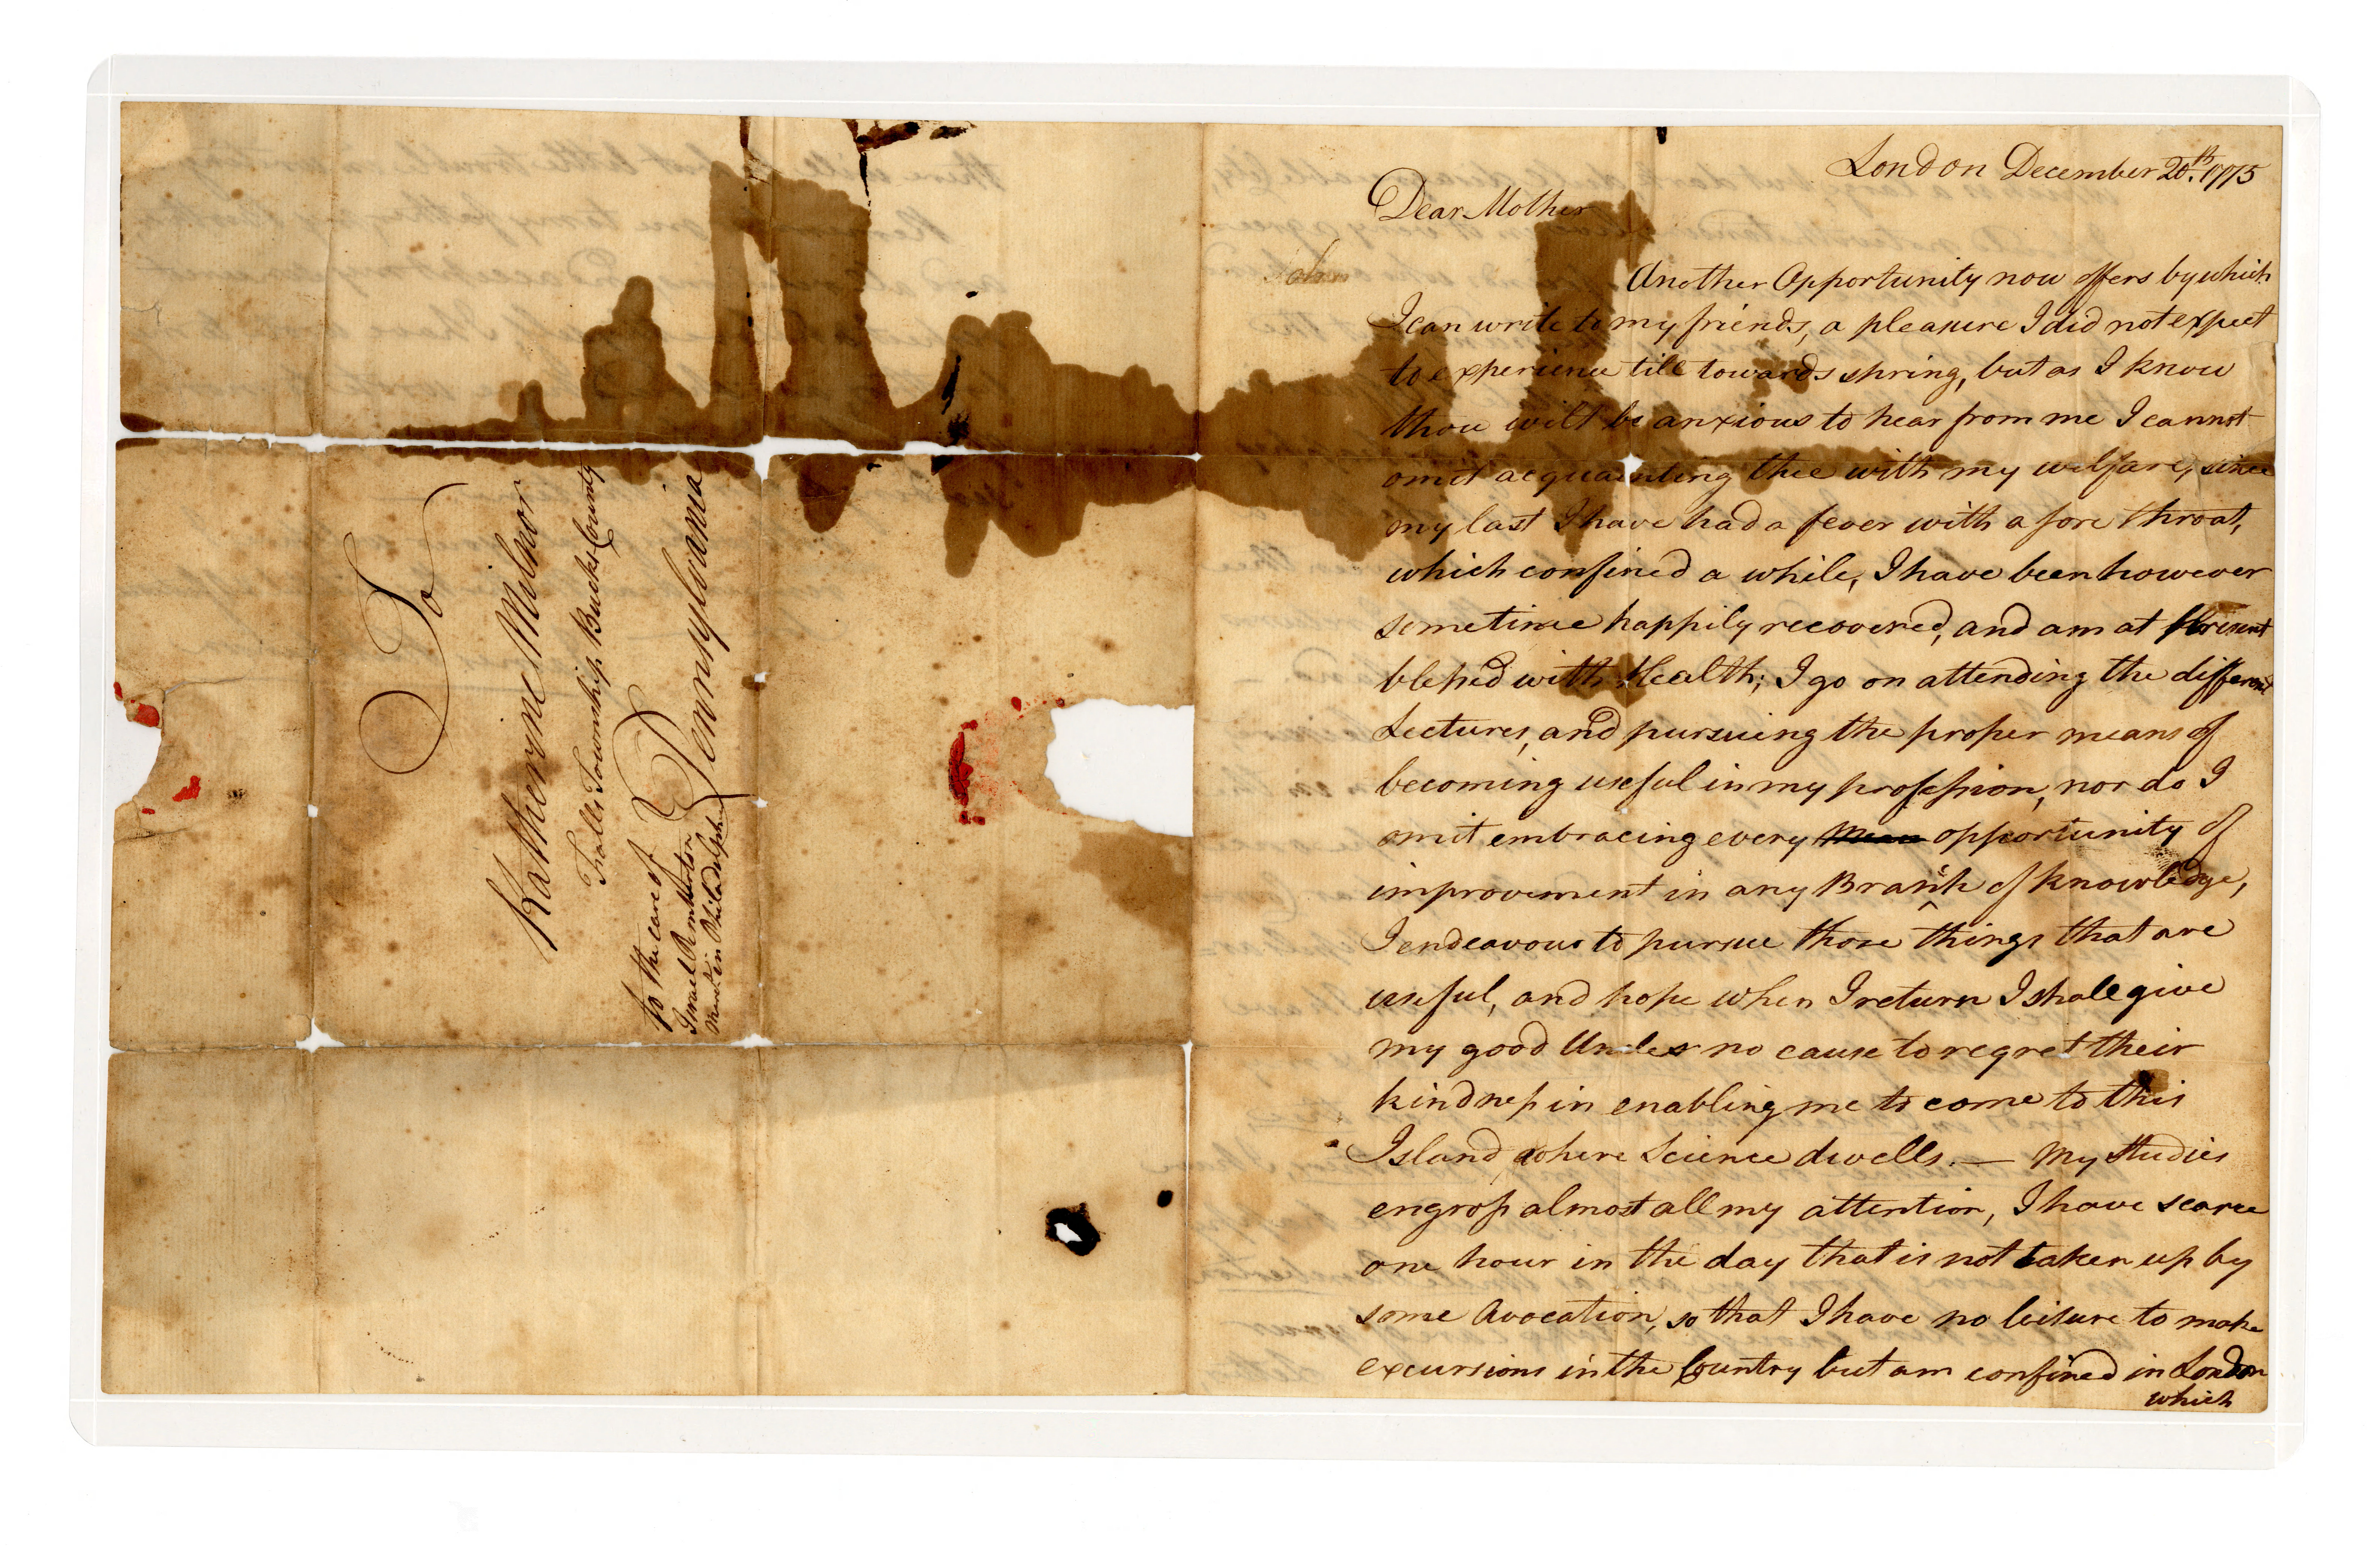To
Katherine Milnor
Falls Tonwship Bucks-County
Pennsylvania
to the care of
Israel Pemberton
Merc^t. in Philadelphia
London December 20^th. 1775
Dear Mother
Another Opportunity now offers by which
I can write to my friends, a pleasure I did not expect
to experience till towards spring, but as I know
thou wilt be anxious to hear from me I cannot
omit acquainting thee with my welfare, since
my last I have had a fever with a sore throat,
which confined a while, I have been however
sometime happily recovered, and am at present
blessed with Health; I go on attending the different
Lectures, and pursuing the proper means of
becoming useful in my profession, nor do I
omit embracing every [Means] opportunity of
improvement in any Bran^ch of knowledge,
I endeavour to pursue those things that are
useful, and hope when I return I shall give
my good Uncles no cause to regret their
kindness in enabling me to come to this
Island where Science dwells.- My studies
engross almost all my attention, I have scarce
one hour in the day that is not taken up by
some Avocation, so that I have no leisure to make
excursions in the Country but am confined in London
which